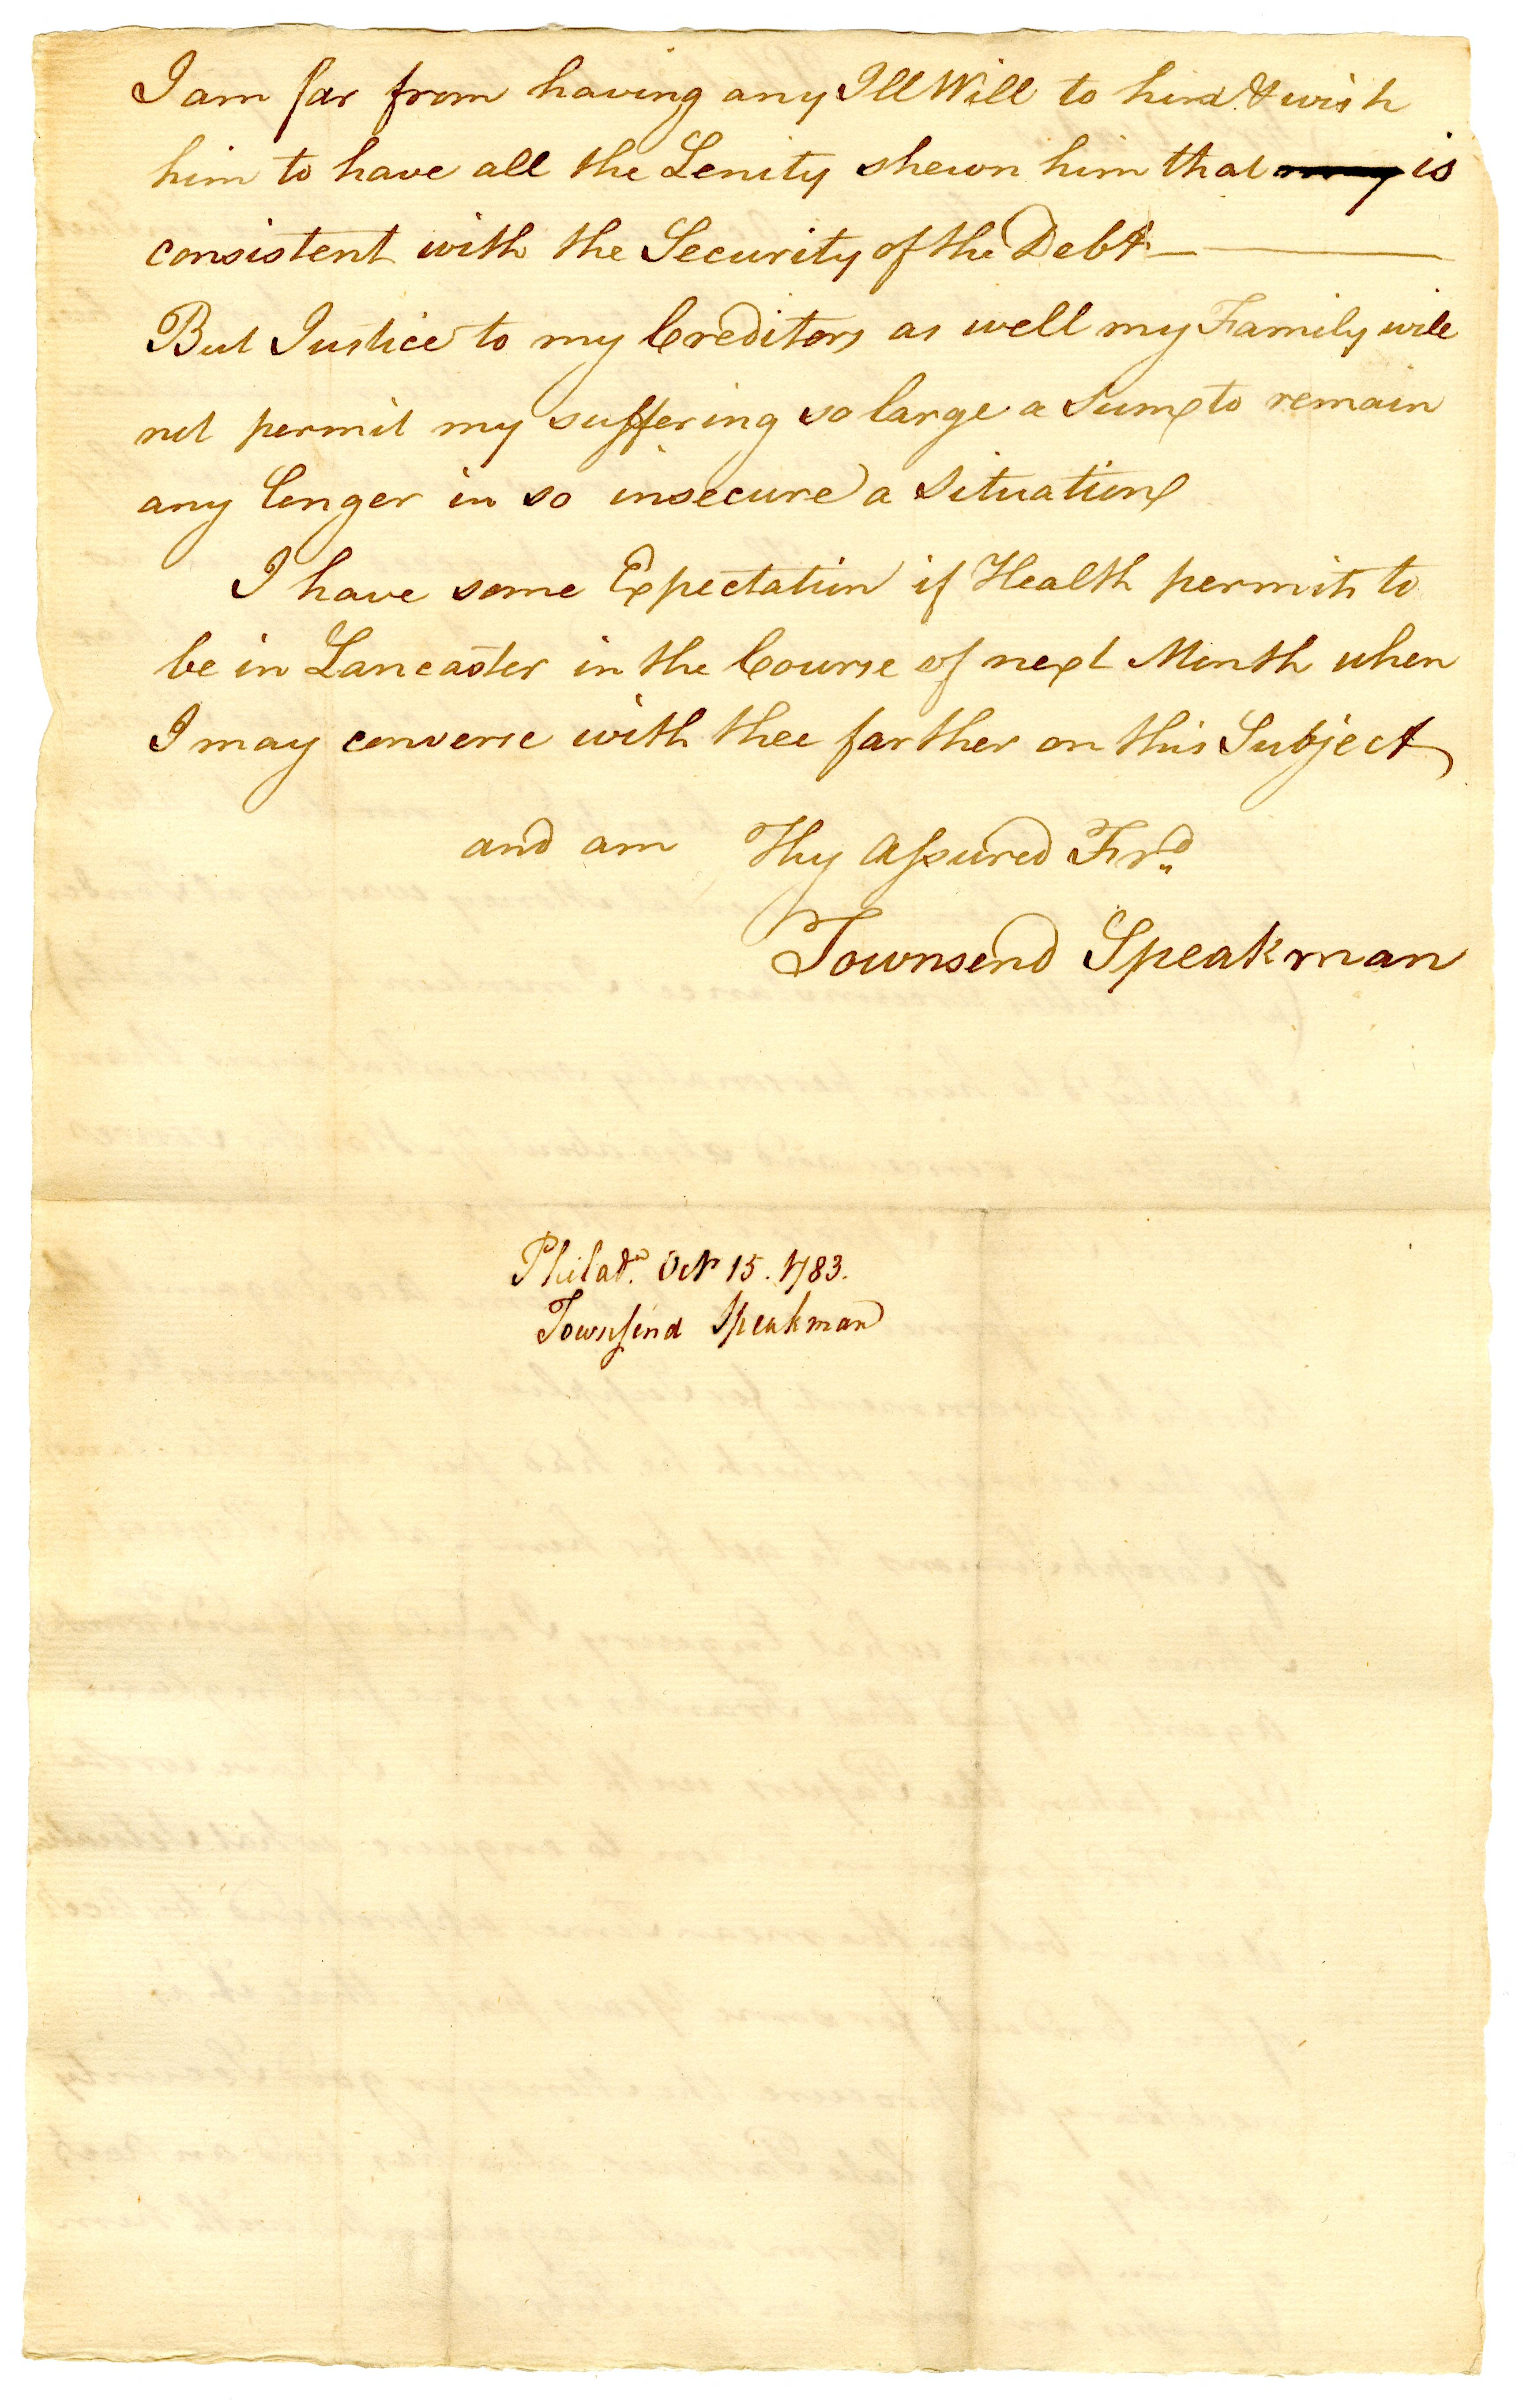I am far from having any Ill Will to him & wish
him to have all the Lenity shewn him that [__] is
consistent with the Security of the Debt.
But Justice to my Creditors as well my Family will
not permit my suffering so large a Sum to remain
any longer in so insecure a Situation
I have some Expectation if Health permits to
be in Lancaster in the Course of next Month when
I may converse with thee farther on this Subject
and am Thy assured Fr'd
Townsend Speakman
Philad^a. Oct^r 15. 1783.
Townsend Speakman